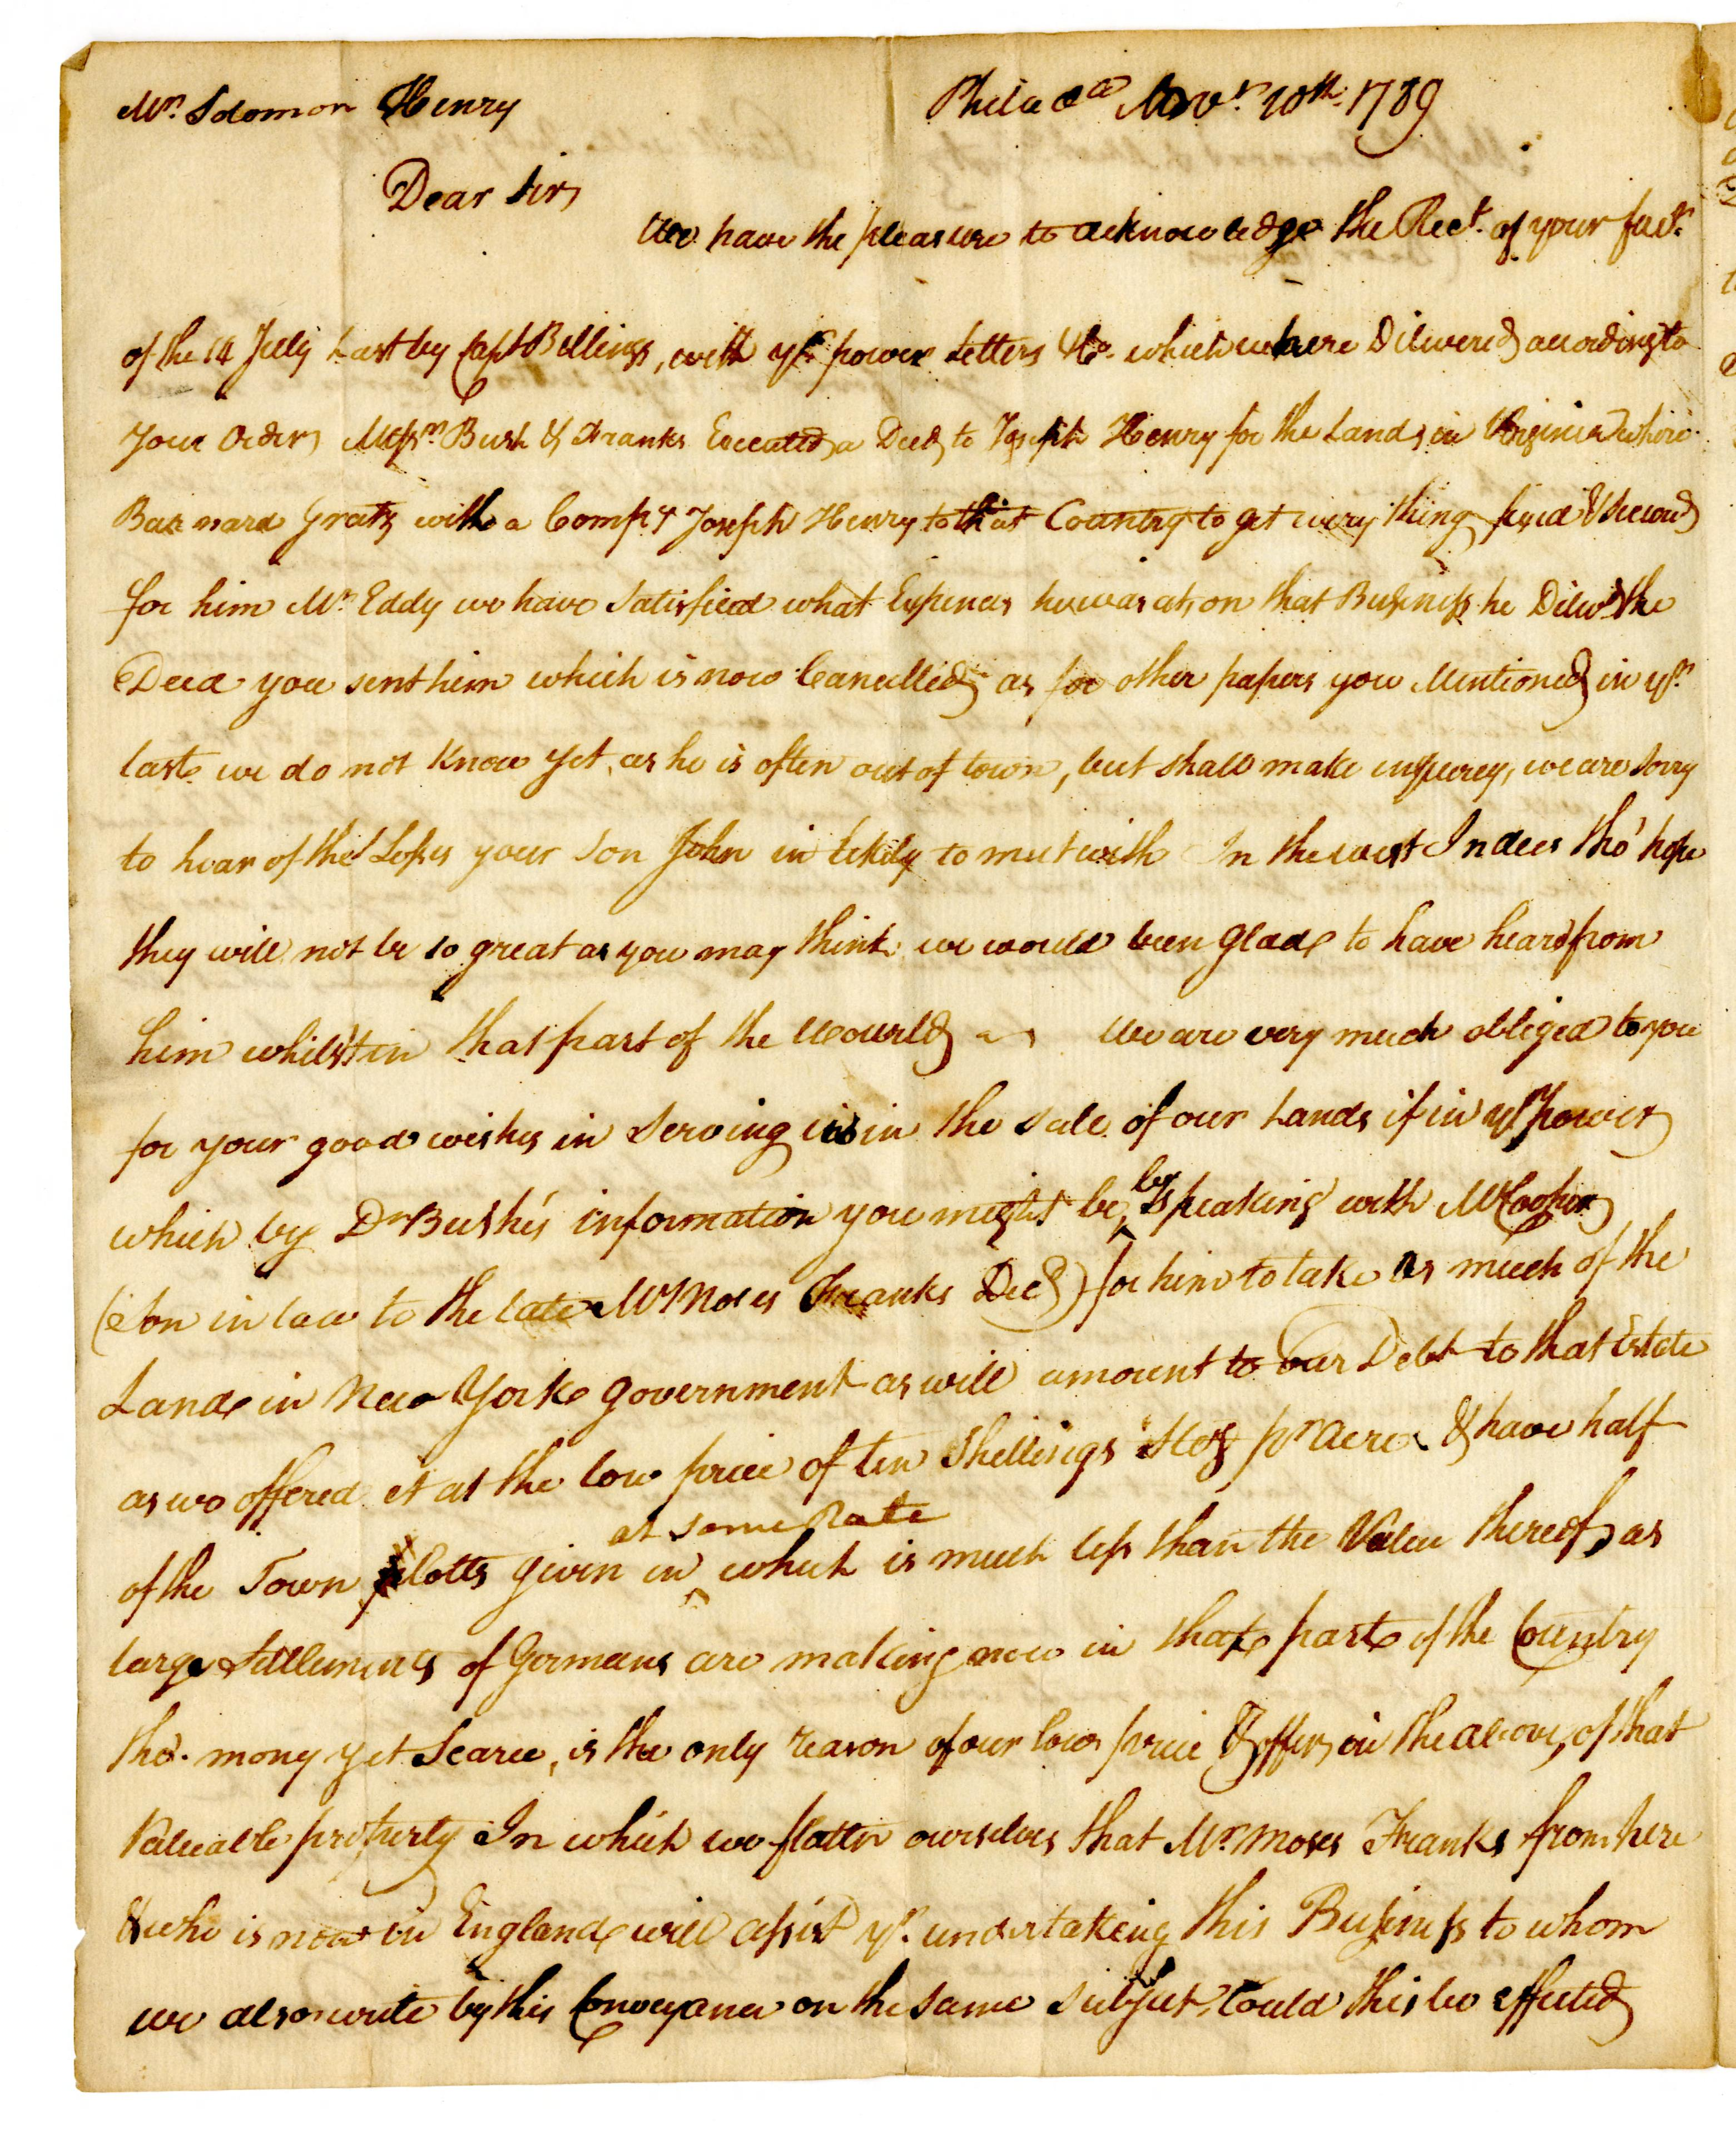Philad^a Nov^r. 10^th. 1789
M^r. Solomon Henry
Dear Sir
We have the pleasures to acknoweledge. the Rec^t. of your fav^r.
of the 14 July last by Cap^t Bellings, with y^r. power Letters &. which we here Delivered according to
your Orders Mess^rs. Bush & Franks Executed a Deed, to Joseph Henry for the lands in Virginia where
Barnard Gratz with a Comp^y Joseph Henry to that Country to get every thing fixd & secured
for him M^r. Eddy we have Satisfied what Expenses he was at, on that Business he Deliv^d the
Deed you sent him which is now Cancelled as for other papers you Mentioned in y^r.
last we do not know yet, as he is often out of town, but shall make inquiry, we are sorry
to hear of the Losses your son John is likely to meet with In the west Indies tho' hope
they will not be so great as you may think we would been glad to have heard from
him whilst in that part of the wourld- We are very much obliged to you
for your good wishes in Serving us in the sale of our Lands if in y^r power,
which by D^r Bushe's information you might be ^by Speaking with M^r Cooper
(Inclosed to the late M^r Moses Franks Deed) for him to take as much of the
Land in New York government as will amount to our Debt to that Estate
as we offered, et at the low price of ten shillings ste^g p^r acre & have half
of the Town [p]lotts given in, which is much less than the Value thereof, as
at some rate
large Settlements of Germans are making new in that part of the Country
the mony yet Scarce, is the only reason of our low price & offers, is the above, of that
Valueable property In which we flatter ourselves that M^r. Moses Franks from here
& who is now in England will assist y^r. undertaking this Business to whom
we also write by this conveyance on the same subject could this be effected